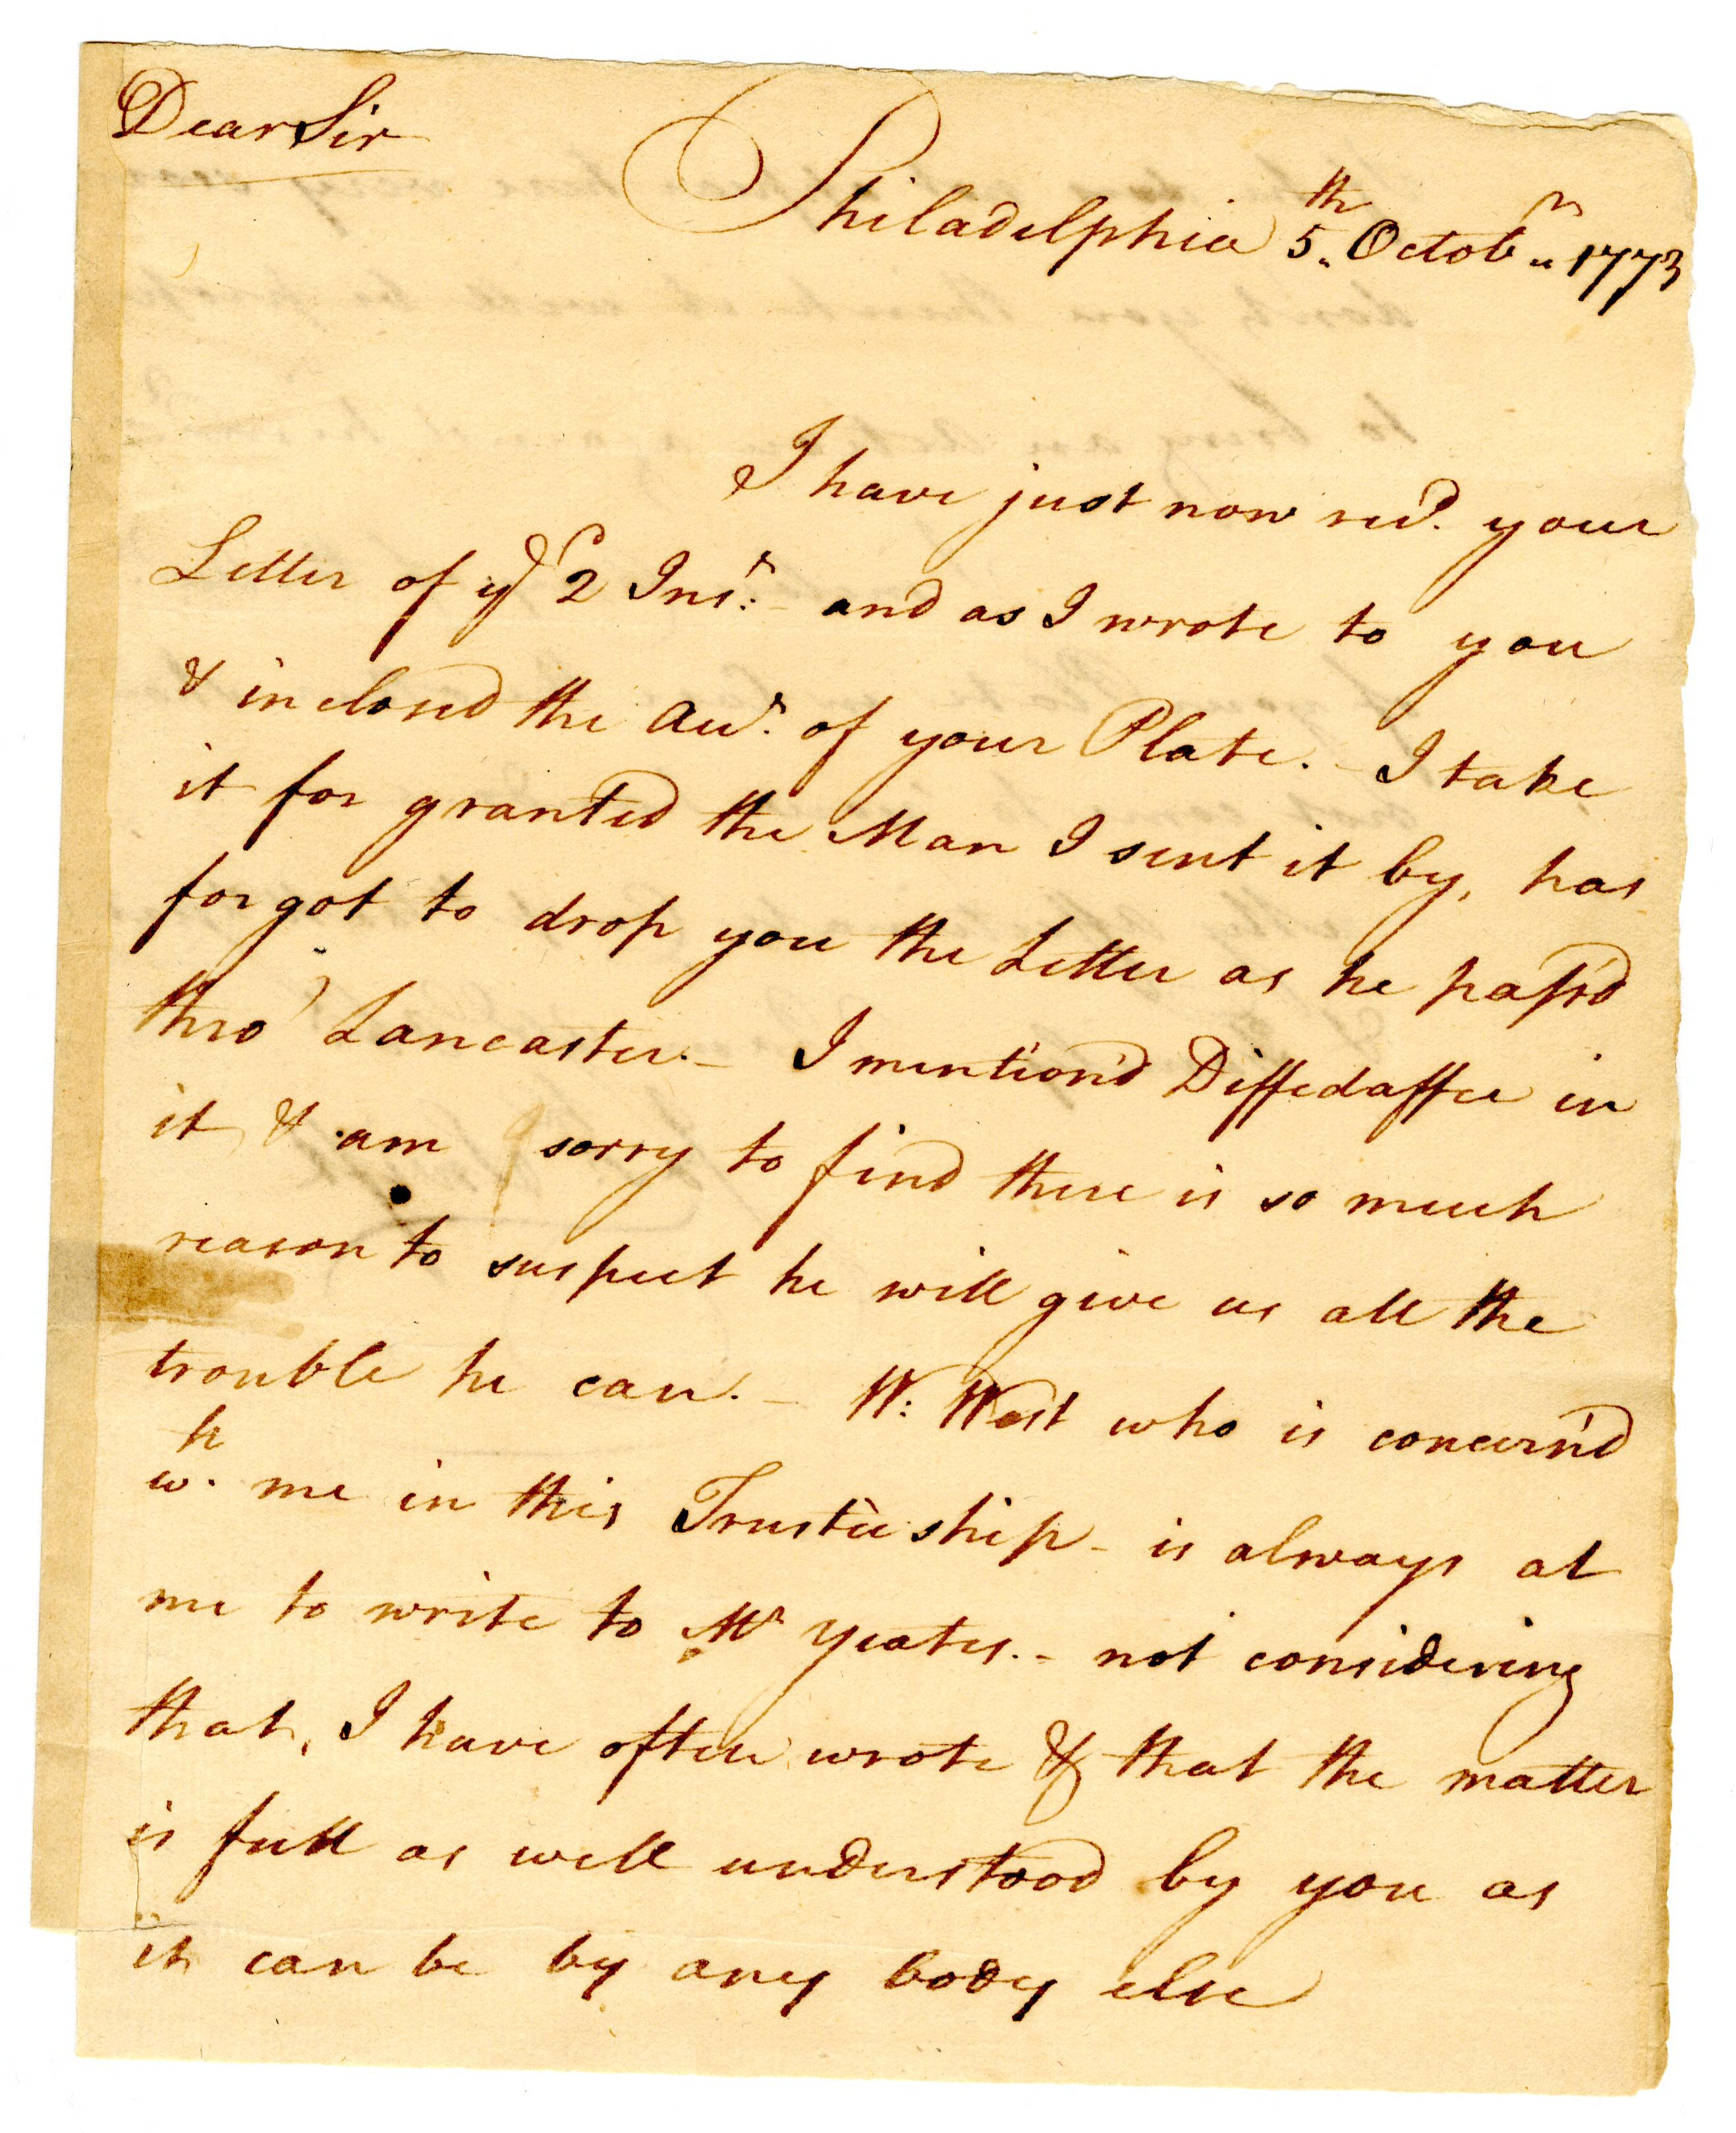Philadelphia 5^th. Octob^r. 1773.
Dear Sir
I have just now rec^d. your
Letter of y^e 2^d Ins^t: and as I wrote to you
& inclosed the au^t. of your Plate. I take
it for granted the Man I sent it by, has
for got to drop you the Letter as he pass'd
thro' Lancaster. I mention'd Diffedaffer in
it & am sorry to find there is so much
reason to suspect he will give us all the
trouble he can. W: West who is concern'd
w^th. me in this Trusteeship is always at
me to write to M^r Yeates.- not considering
that, I have often wrote & that the matter
is full as well understood by you as
it can be by any body else